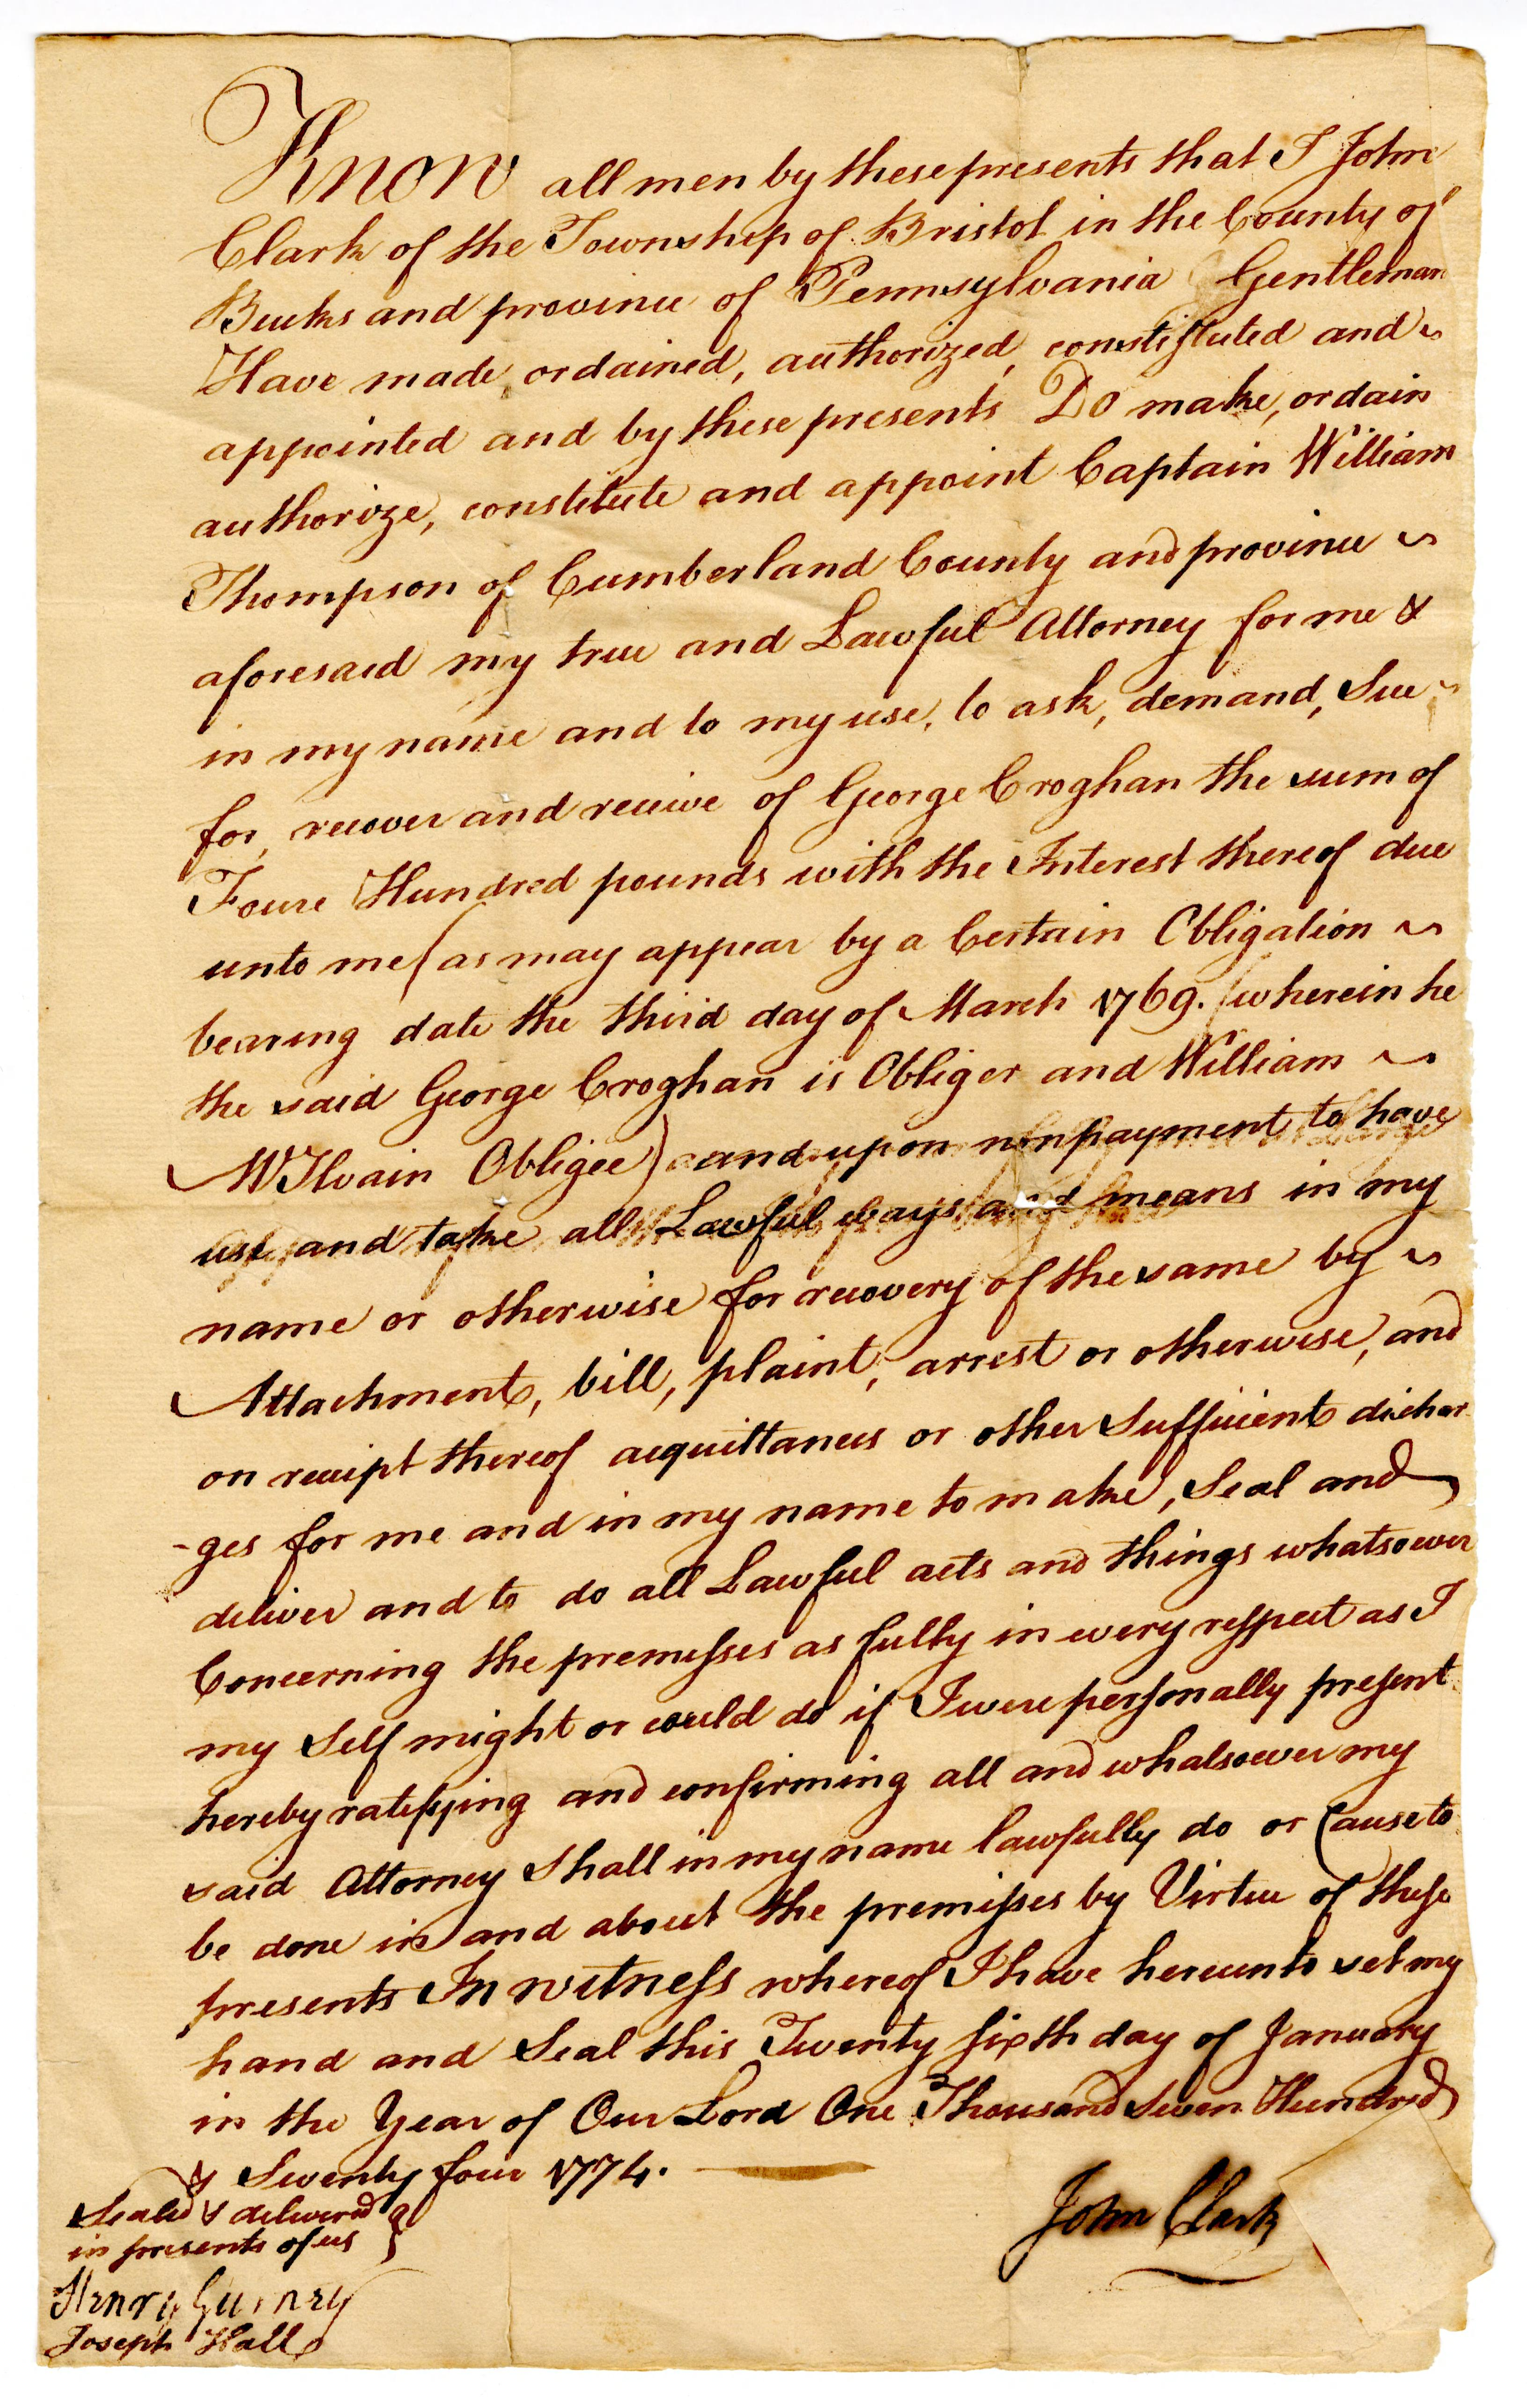Know all men by these presents that I John
Clark of the Township of Bristol in the County of
Bucks and province of Pennsylvania Gentleman
Have mode ordained, authorized constituted and as
appointed and by there presents Do make, ordain
authorize, constitute and appoint Captain William
Thompson of Cumberland County and province as
aforesaid my true and Lawful Attorney for me &
in my name and to my use, to ask, demand See
for recover and receive of George Croghan the sum of
Foure Hundred pounds with the Interest thereof due
unto me / as may appear by a Certain Obligation-
bearing date the third day of March 1769. (wherein he
the sadd George Croghan is Obliger and William
Wjlvain Obligee) and upon nonpayment to have
use and take all Lawful ways and means in my
name or otherwise for recovery of the same by-
Attachment, bill, plaint arrest or otherwise, and
on receipt thereof acquittances or other Sufficient dricher-
-ges for me and in my name to make, Seal and
deliver and to do all Lawful acts and things whatsoever
Concerning the promisses as fully in every respect as I
my Self might or could do if I were personally present
hereby ratifying and confirming all and whatsoever my
said Attorney Shall in my name lawfully do or Cause to
be done in and about the premisses by Virtue of these
presents In witness whereof I have hereunto set my
hand and Seal this Twenty sixth day of January
in the Year of Our Lord One Thousand Seven Hundred
& seventy four 1774.
John Clark
Sealed & delivered
In presents of us
Henry Gunry
Joseph Hall